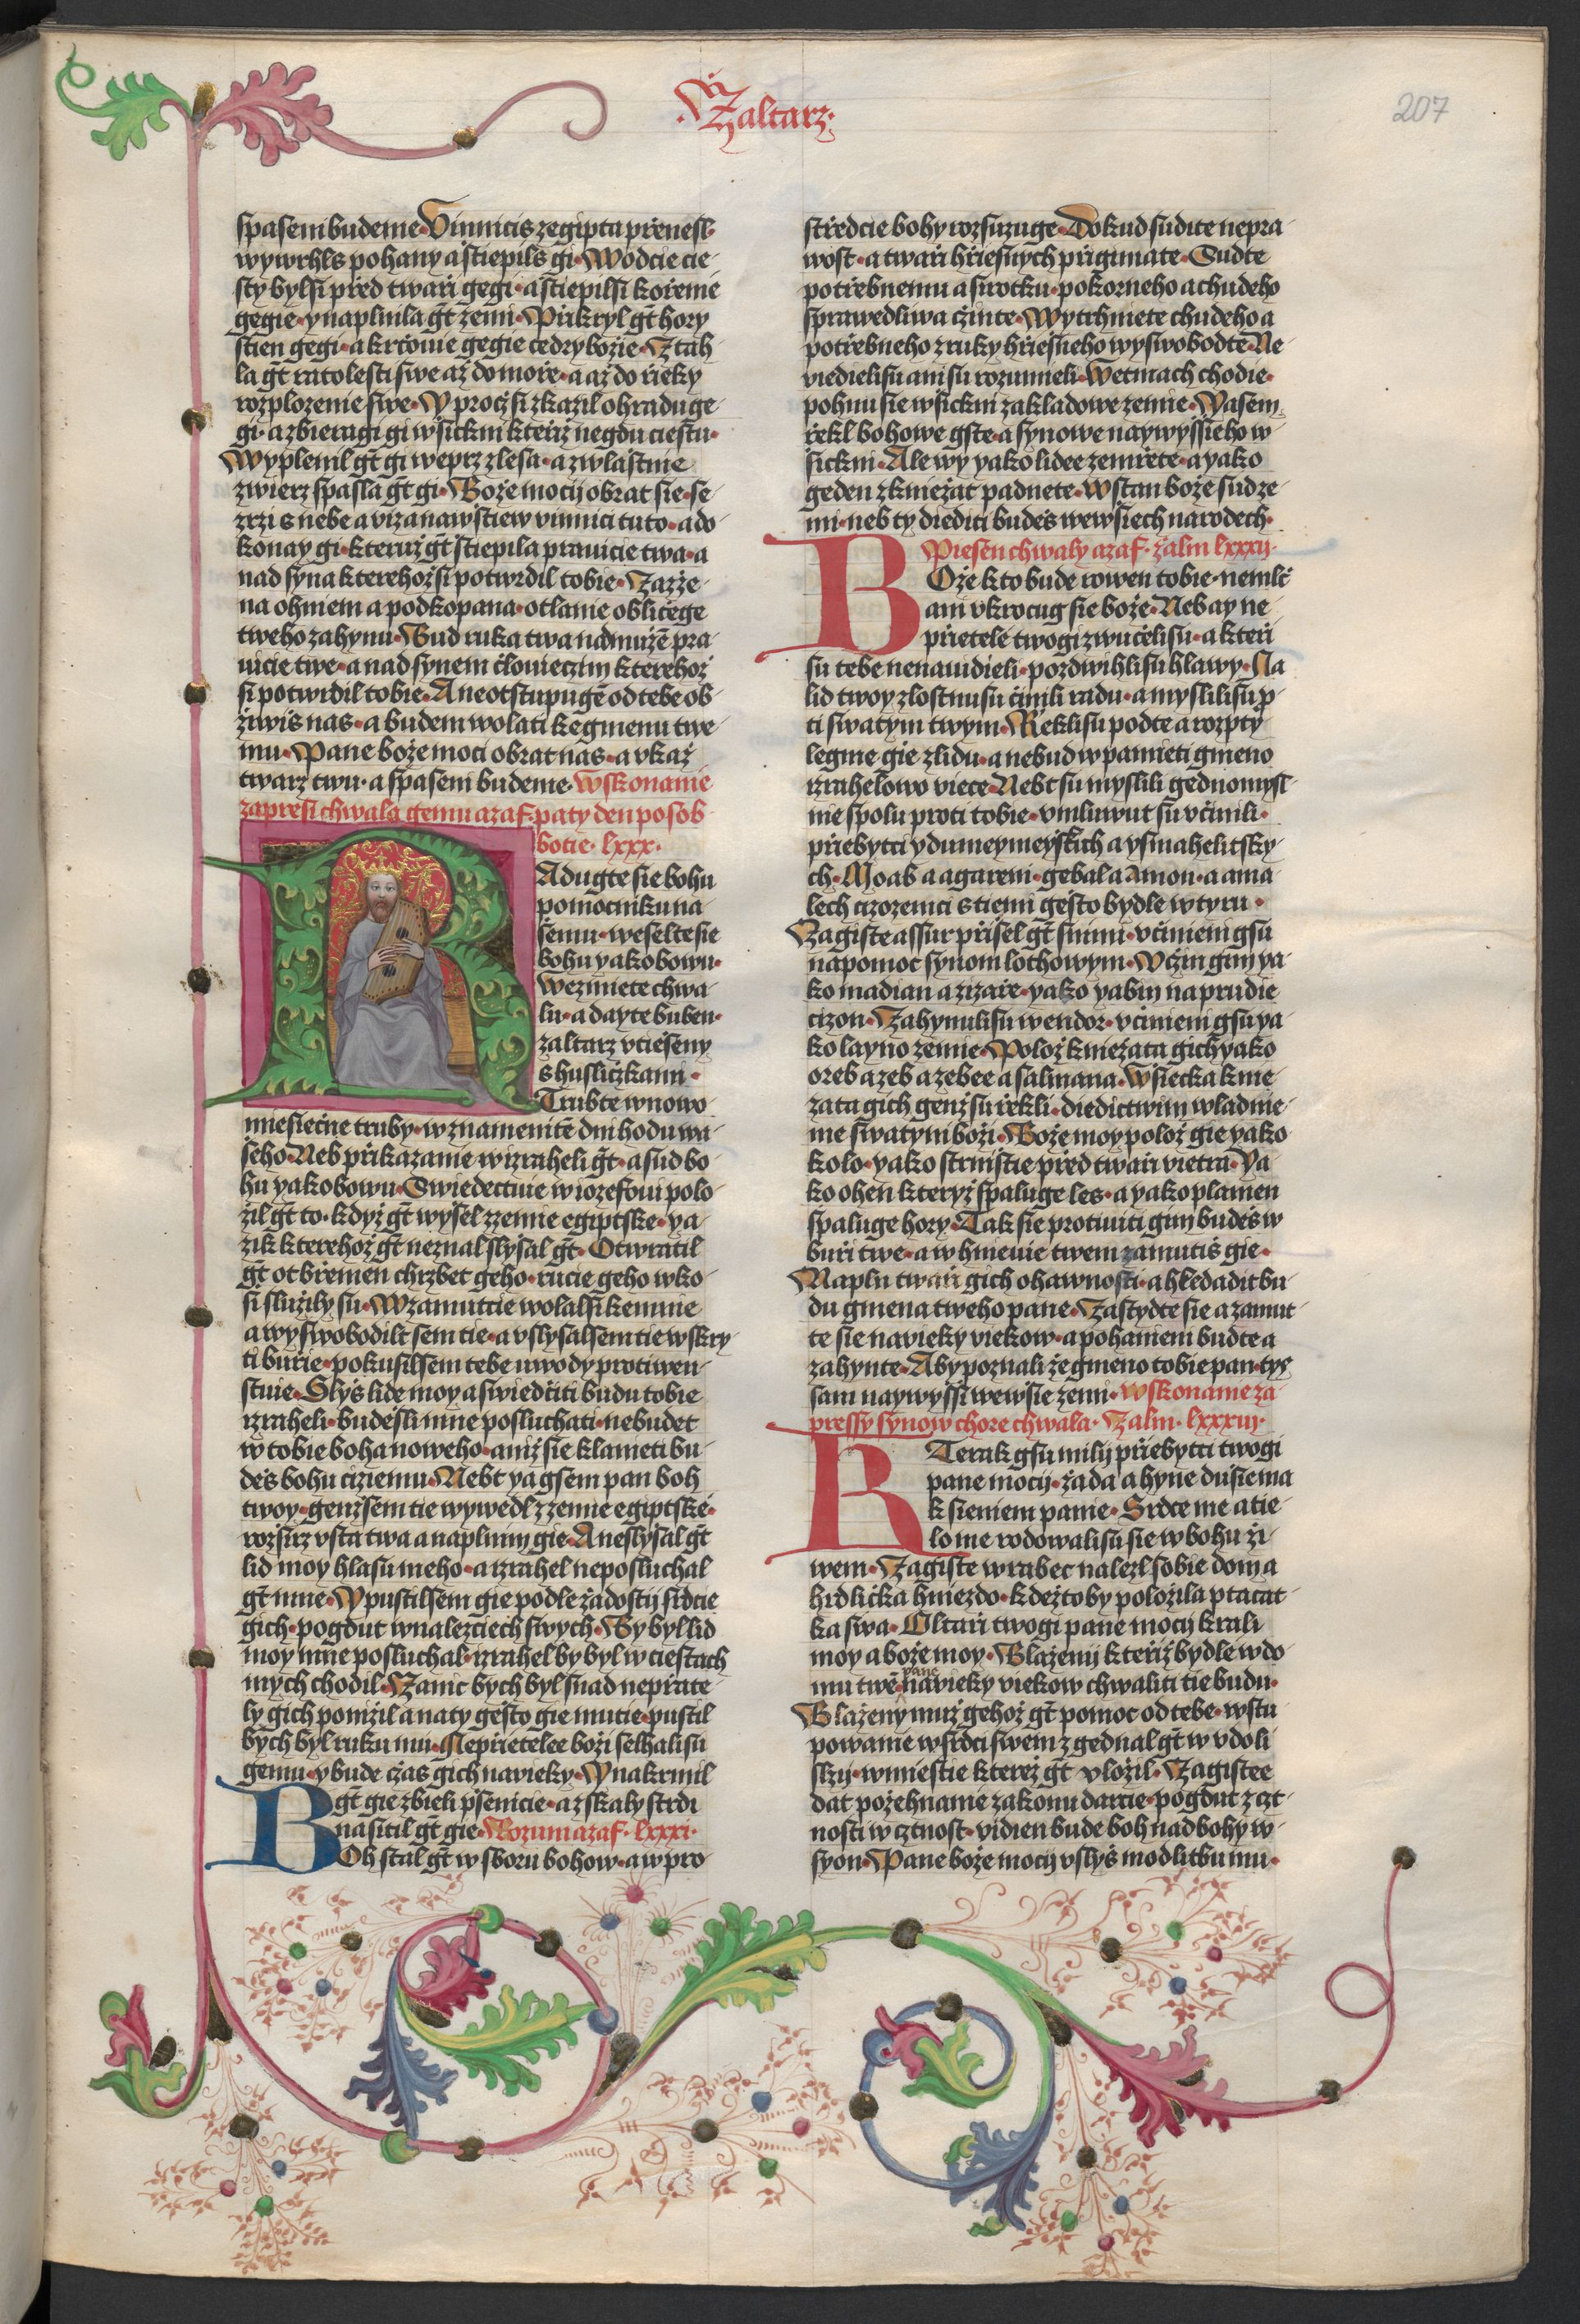.Žaltarz.
ſpaſeni budeme.Vinnicis zegipta pṙeneſl.
wywrhls pohany a ẛtiepils gi.Wodcie cie¬
ſty bylſi pṙed twaṙi gegi.a ẛtiepilſl koṙeníe
gegie.y naplnila ḡt zemi.Pṙikryl ḡt hory
ſtien gegí.akrčouie gegie cedrybożie.Ztah¬
la ḡt ratoleſti ſwe aż do moṙe.a aż do ṙieky
rozplozenie ſwe.Y procżſi zkazil ohradu ge¬
gi.a zbieragi gi wẛickni kteṙiż negdu cieſtu.
Wyplenil ḡt gi weprz zleſa.a zwlaẛtnie
zwierz ſpaſla ḡt gi.Boże mocij obrat ſie.ſe
zrzi s nebe a viz a nawẛtiew vinnici tuto.a do¬
konay gi.kteruż ḡt ẛtiepila prauicie twa.a
nad ſyna kterehož ſi potwrzdil tobie.Zazże
na ohniem a podkopana.otlanie obliċege
tweho zahynu.Bud ruka twa nadmużē pra¬
uicie twe.a nad ſynem ċlouieczim kterehoż
ſi potwrdil tobie.A neotſtupugē odtebe ob¬
żiwiṡ nas.a budem wolati kegmenu twe¬
mu.Pane boże moci obrat nas.a vkaż
twarz twu.a ſpaſeni budeme.Wſkonanie
zapreſi chwala gemu azaf.paty den poſob
botie.lxxx.
Adugte ſie bohu
pomocniku na¬
ſemu.weſelteſie
bohu yakobowu.
Wezmiete chwa
lu.a dayte buben.
zaltarz vtieẛeny
s huſlicżkami.
Trubte wnowo¬
mieſieċne truby.wznamenitē dni hodu wa¬
ẛeho.Neb pṙikazanie wizraheli ḡt. a ſud bo¬
hu yakobowmu.Swiedectuie w iozefoui polo¬
żil ḡt to.kdyż ḡt wyẛel zzemie egiptſke.ya¬
zik kterehoż ḡt neznal ſlyẛal ḡt. Otwratil
ḡt otbṙemen chrzbet geho.rucie geho wko¬
ẛi ſlużily ſu.Wzamutcie wolalſi kemnie
a wyswobodilt ſem tie.a uſlyſalſem tie wſkry¬
ti buṙie.pokuſilſem trbe uwody protiwen¬
ſtuie.Slyṡ lide moy a ſwiedčiti budu tobie¬
izrahelu.budeẛli mne poſluchati.nebudet
w tobie boha noweho.aniż ſie klanieti bu¬
deṡ bohu ciziemu.Nebt ya gſem pan boh
twoy.genżſem tie wywedl z zemie egiptſké.
rozẛirz vſta twa a naplnim gie.A neſlyẛal ḡt
lid moy hlaſu meho.a izrahel nepoſluchal
ḡt mne.Y puſtilſem gie podle żadoſtij ſrdcie
gich.pogdut wnalezciech ſwych.By byl lid
moy mne poſluchal.izrahel by byl w cieſtach
mych chodil.Zanic bych byl ſnad nepṙate¬
ly gich pomżil a naty geẛto gie mutie.puſtil
bych byl ruku mú.Nepṙietelee bożí ſelhaliſu
gemu.y bude cżas gich navieky.Ynakrmil
ḡt gie zbieli pẛenicie.a zkaly ſtrdi
naſitil ḡt gie.Rozum azaf.lxxxi.
Oh ſtal ḡt w ſboru bohow.a w pro¬
ſtṙedcie bohy rozſuzuge.Dokud ſudite nepra¬
woſt.a twaṙi hṙieſnych pṙigimate.Sudte
potṙebnemu a ſirotku.pokorneho a chudeho
ſprawedliwa cżinte.Wytrhniete chudeho a
potřebneho zruky hṙieẛneho wyſwobodte.Ne¬
viedieliſu ani ſu rozumieli.Wetmach chodie.
pohnu ſie wẛickni zakladowe zemie.Yaſem
ṙekl bohowe gſte.a ſynowe naywyẛẛieho w¬
ẛickni.Ale wy yako lidee zemṙete.a yako
geden zkníeżat padnete.Wſtan boże ſud ze¬
mi.neb ty diediti budeṡ wewẛiech narodech.
Pieſen chwaly azaf.żalm lxxxij.
Oże kto bude rowen tobie.nemlċ
ani vkrocug ſie boże.Nebay ne¬
pṙietelé twogi zwuċeliſu.a kteṙí
ſu tebe nenauidieli.pozdwihli ſu hlawy.Na
lid twoy zloſtnu ſu ċinili radu.a myſliliſu ꝑ¬
ti ſwatym twym.Ṙekſiſu podte a rozpty¬
legme gie zlidu.a nebud w pamieti gmeno
izrahelowo viece.Nebt ſu myſlili gednomyſl¬
nie ſpolu proti tobie.vmluwut ſu vċinili.
pṙiebytci y dumeymeyẛkich a yſmahelitſky¬
ch.Moab a agareni.gebal a Amon.a ama
lech cizozemci stiemi geẛto bydle wtyru.
Zagiſte aſſur pṙiẛel ḡt ſnimi.včinieni gſu
napomoc ſynom lothowym.Vcżini gim ya¬
ko madian a zizaṙe.yako yabin na prudie
cizon.Zahynuliſu wendor.vċinieni gſu ya¬
ko layno zemie. Polož kníeżata gich yako
oreb a zeb a zebee a ſalmana.Wẛiecka knie¬
zata gich genż ſu ṙekli.diedictwim wladnie¬
me ſwatyni bożí.Boże moy poloż gie yako
kolo.yako ſtrniẛtie pṙed twaṙi vietra.Ya¬
ko ohen kteryż ſpaluge les.a yako plamen
ſpaluge hory.Tak ſie protiuiti gim budeṡ w
buṙi twe.a w hnieuie twem zamutiṡ gie.
Napln twaři gich ohawnoſti.a hledadit bu¬
bu gmena tweho pane.Zaſtydte ſie a zamut¬
te ſie navieky viekow.a pohanieni budte a¬
zahynte.Aby poznali že gmeno tobie pan.tys
ſam naywyẛẛi wewẛie zemi.Wſkonanie za¬
preſſy ſunow chore chwala.Zalm.lxxxiii.
Terak gſu milij pṙíebytci twogi
pane mocij.żada a hyne duẛie ma
k ſieniem panie.Srdce me atie¬
lo me rodowaliſu ſie wbohu żi¬
wem.Zagiſte wrabec nalezl ſobie dom a
hrdliċka hniezdo.kdeżtoby polożila ptacat¬
ka ſwa.Oltaṙi twogi pane mocij krali
moy a boże moy.Blażenij kteṙíż bydlé w do¬
mu twē. pane navieky viekow chwaliti tie budu.
Blażeny muż gehoż ḡt pomoc od tebe.wſtu¬
powanie wſrdci ſwem z gednal ḡt w vdoli
ſlzij.wmíeſtie ktereż ḡt vlożil.Zagiſtee
dat pożehnanie zakonu darcie.pogdut z czt¬
noſti w cztnoſt.vidien bude boh nad bohy w
ſyon.Panie boże mocij vſlyṡ modlitbu mu.